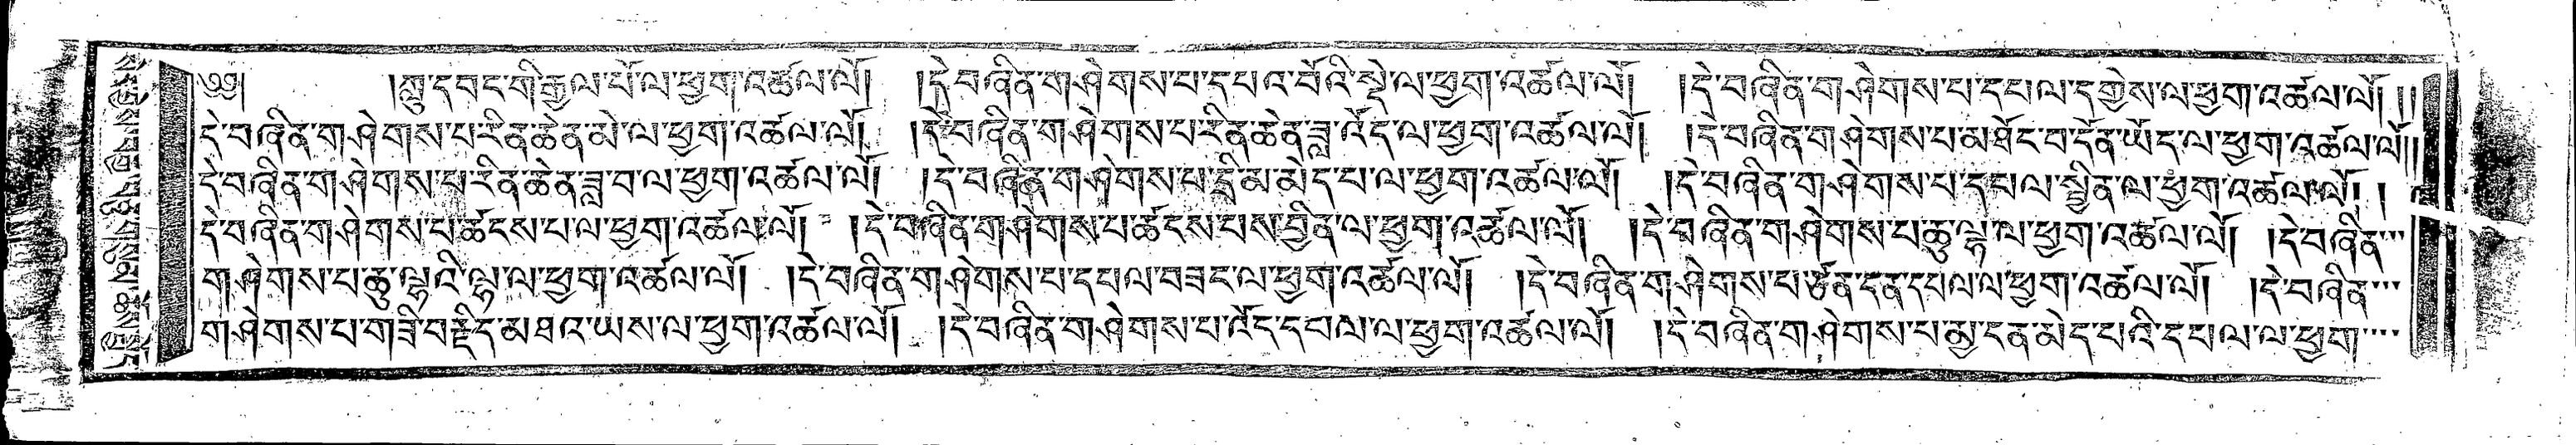༄༅། །ཀླུ་དབང་གི་རྒྱལ་པོ་ལ་ཕྱག་འཚལ་ལོ། །དེ་བཞིན་གཤེགས་པ་དཔའ་བོའི་སྡེ་ལ་ཕྱག་འཚལ་ལོ། །དེ་བཞིན་གཤེགས་པ་དཔལ་དགྱེས་ལ་ཕྱག་འཚལ་ལོ།།
དེ་བཞིན་གཤེགས་པ་རིན་ཆེན་མེ་ལ་ཕྱག་འཚལ་ལོ། །དེ་བཞིན་གཤེགས་པ་རིན་ཆེན་ཟླ་འོད་ལ་ཕྱག་འཚལ་ལོ། །དེ་བཞིན་གཤེགས་པ་མཐོང་བ་དོན་ཡོད་ལ་ཕྱག་འཚལ་ལོ། །
དེ་བཞིན་གཤེགས་པ་རིན་ཆེན་ཟླ་བ་ལ་ཕྱག་འཚལ་ལོ། །དེ་བཞིན་གཤེགས་པ་དྲི་མ་མེད་པ་ལ་ཕྱག་འཚལ་ལོ། །དེ་བཞིན་གཤེགས་པ་དཔལ་སྦྱིན་ལ་ཕྱག་འཚལ་ལོ། །
དེ་བཞིན་གཤེགས་པ་ཚངས་པ་ལ་ཕྱག་འཚལ་ལོ། །དེ་བཞིན་གཤེགས་པ་ཚངས་པས་བྱིན་ལ་ཕྱག་འཚལ་ལོ། །དེ་བཞིན་གཤེགས་པ་ཆུ་ལྷ་ལ་ཕྱག་འཚལ་ལོ། །དེ་བཞིན་
གཤེགས་པ་ཆུ་ལྷའི་ལྷ་ལ་ཕྱག་འཚལ་ལོ། །དེ་བཞིན་གཤེགས་པ་དཔལ་བཟང་ལ་ཕྱག་འཚལ་ལོ། །དེ་བཞིན་གཤེགས་པ་ཙན་དན་དཔལ་ལ་ཕྱག་འཚལ་ལོ། །དེ་བཞིན་
གཤེགས་པ་གཟི་བརྗིད་མཐའ་ཡས་ལ་ཕྱག་འཚལ་ལོ། །དེ་བཞིན་གཤེགས་པ་འོད་དཔལ་ལ་ཕྱག་འཚལ་ལོ། །དེ་བཞིན་གཤེགས་པ་མྱ་ངན་མེད་པའི་དཔལ་ལ་ཕྱག་